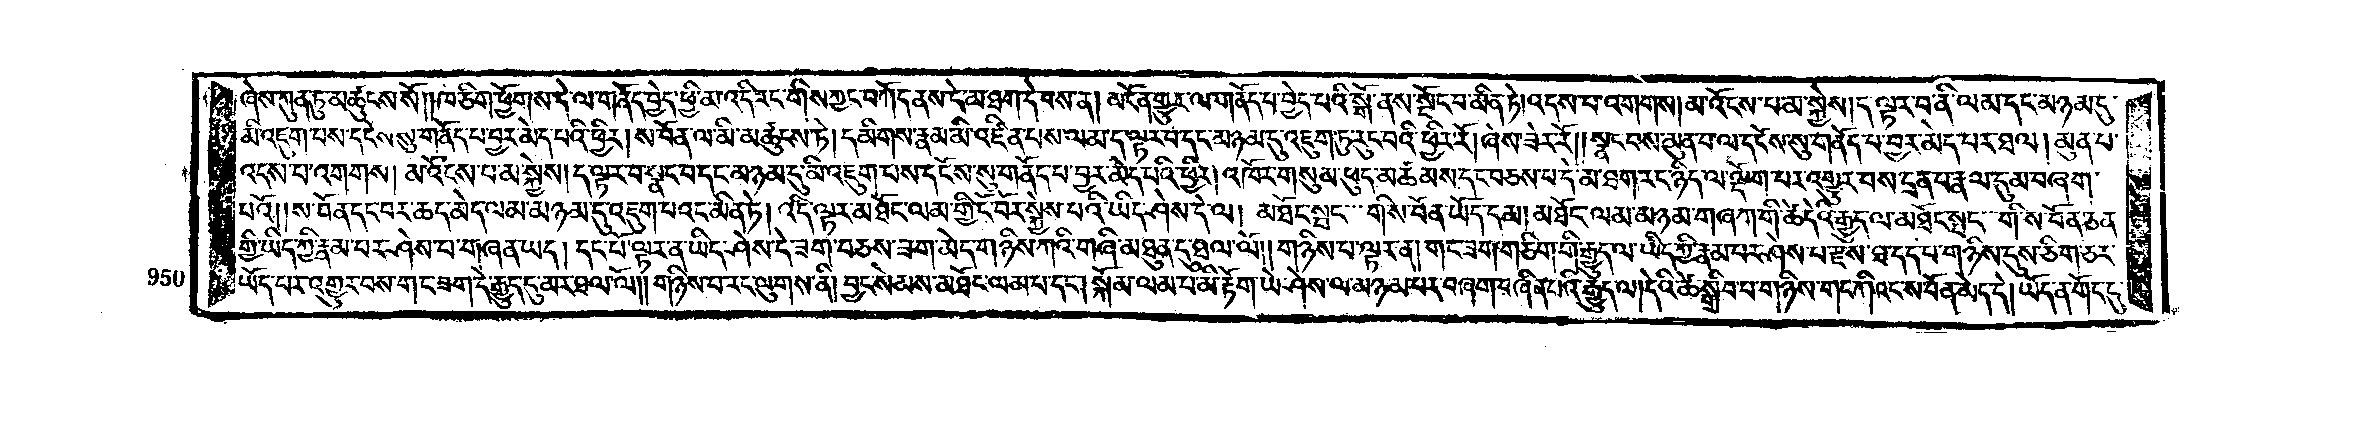ཞེས་ཀུན་ཏུ་མཚུངས་སོ། །ཁ་ཅིག་ཕྱོགས་དེ་ལ་གནོད་བྱེད་ཕྱི་མ་འདི་རང་གིས་ཀྱང་བཀོད་ནས་དེ་མ་ཐག་དེ་བས་ན། མངོན་གྱུར་ལ་གནོད་པ་བྱེད་པའི་སྒོ་ནས་སྤོང་བ་མིན་ཏེ། འདས་པ་འགགས། མ་འོངས་པ་མ་སྐྱེས། ད་ལྟར་བ་ནི་ལམ་དང་མཉམ་དུ་
མི་འཇུག་པས་དངོས་སུ་གནོད་པ་བྱར་མེད་པའི་ཕྱིར། ས་བོན་ལ་མི་མཚུངས་ཏེ། དམིགས་རྣམ་མི་འཛིན་པས་ལམ་ད་ལྟར་བ་དང་མཉམ་དུ་འཇུག་ཏུ་རུང་བའི་ཕྱིར་རོ། །ཞེས་ཟེར་རོ། །སྣང་བས་མུན་པ་ལ་དངོས་སུ་གནོད་པ་བྱར་མེད་པར་ཐལ། མུན་པ་
འདས་པ་འགགས། མ་འོངས་པ་མ་སྐྱེས། ད་ལྟར་བ་སྣང་བ་དང་མཉམ་དུ་མི་འཇུག་པས་དངོས་སུ་གནོད་པ་བྱར་མེད་པའི་ཕྱིར། འཁོར་གསུམ་ཕུད་མཚམས་དང་བཅས་པ་དེ་མ་ཐག་རང་ཉིད་ལ་ལྡོག་པར་འགྱུར་བས་དྲན་པ་རྣལ་དུ་མ་བཞག་
པའོ། །ས་བོན་དང་བར་ཆད་མེད་ལམ་མཉམ་དུ་འཇུག་པའང་མིན་ཏེ། འདི་ལྟར་མཐོང་ལམ་གྱི་ངོ་བོར་སྐྱེས་པའི་ཡིད་ཤེས་དེ་ལ། མཐོང་སྤང་གི་ས་བོན་ཡོད་དམ། མཐོང་ལམ་མཉམ་གཞག་གི་ཚེ་དེའི་རྒྱུད་ལ་མཐོང་སྤང་གི་ས་བོན་ཅན་
གྱི་ཡིད་ཀྱི་རྣམ་པར་ཤེས་པ་གཞན་ཡོད། དང་པོ་ལྟར་ན་ཡིད་ཤེས་དེ་ཟག་བཅས་ཟག་མེད་གཉིས་ཀའི་གཞི་མཐུན་དུ་ཐལ་ལོ། །གཉིས་པ་ལྟར་ན། གང་ཟག་གཅིག་གི་རྒྱུད་ལ་ཡིད་ཀྱི་རྣམ་པར་ཤེས་པ་རྫས་ཐ་དད་པ་གཉིས་དུས་ཅིག་ཅར་
ཡོད་པར་འགྱུར་བས་གང་ཟག་དེ་རྒྱུད་དུ་མར་ཐལ་ལོ། །གཉིས་པ་རང་ལུགས་ནི། བྱང་སེམས་མཐོང་ལམ་པ་དང་། སྒོམ་ལམ་པ་མི་རྟོག་ཡེ་ཤེས་ལ་མཉམ་པར་བཞག་བཞིན་པའི་རྒྱུད་ལ། དེའི་ཚེ་སྒྲིབ་པ་གཉིས་གང་གིའང་ས་བོན་མེད་དེ། ཡོད་ན་གོང་ད་